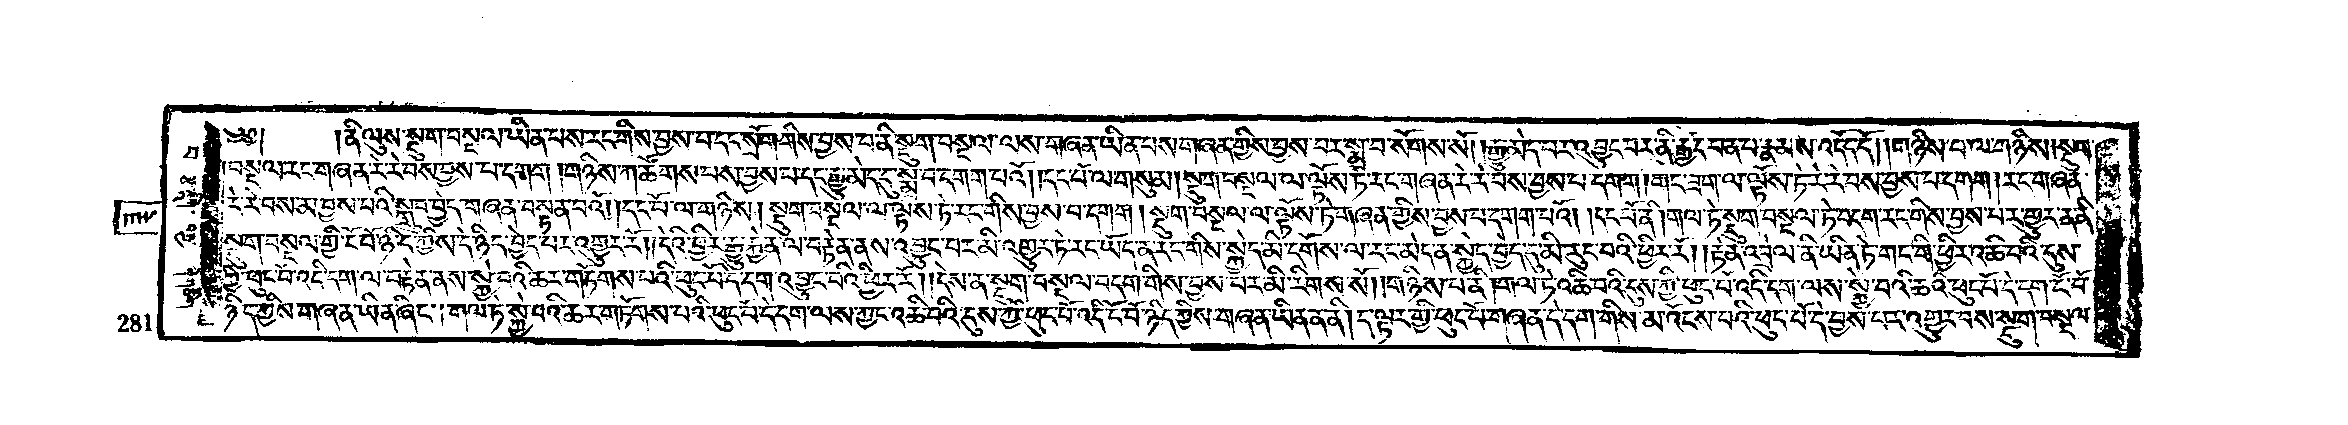༄༅། །ནི་ལུས་སྡུག་བསྔལ་ཡིན་པས་རང་གིས་བྱས་པ་དང་སྲོག་གིས་བྱས་པ་ནི་སྡུག་བསྔལ་ལས་གཞན་ཡིན་པས་གཞན་གྱིས་བྱས་པར་སྨྲ་བ་སོགས་སོ། །རྒྱུ་མེད་པར་འབྱུང་བར་ནི་རྒྱང་པན་པ་རྣམས་འདོད་དོ། །གཉིས་པ་ལ་གཉིས། སྡུག་
བསྔལ་རང་གཞན་རེ་རེ་བས་བྱས་པ་དགག །གཉིས་ཀ་ཚོགས་པས་བྱས་པ་དང་རྒྱུ་མེད་དུ་སྨྲ་བ་དགག་པའོ། །དང་པོ་ལ་གསུམ། སྡུག་བསྔལ་ལ་ལྟོས་ཏེ་རང་གཞན་རེ་རེ་བས་བྱས་པ་དགག། གང་ཟག་ལ་ལྟོས་ཏེ་རེ་རེ་བས་བྱས་པ་དགག །རང་གཞན་
རེ་རེ་བས་མ་བྱས་པའི་སྒྲུབ་བྱེད་གཞན་བསྟན་པའོ། །དང་པོ་ལ་གཉིས། སྡུག་བསྔལ་ལ་ལྟས་ཏེ་རང་གིས་བྱས་པ་དགག །སྡུག་བསྔལ་ལ་ལྟོས་ཏེ་གཞན་གྱིས་བྱས་པ་དགག་པའོ། །དང་པོ་ནི། གལ་ཏེ་སྡུག་བསྔལ་ཏེ་བདག་རང་གིས་བྱས་པར་གྱུར་ན་ནི་
སྡུག་བསྔལ་གྱི་ངོ་བོ་ཉིད་ཀྱིས་དེ་ཉིད་བྱེད་པར་འགྱུར་རོ། །དེའི་ཕྱིར་རྒྱུ་རྐྱེན་ལ་བརྟེན་ནས་འབྱུང་བར་མི་འགྱུར་ཏེ་རང་ཡོད་ན་རང་གིས་སྐྱེད་མི་དགོས་ལ་རང་མེད་ན་སྐྱེད་བྱེད་དུ་མི་རུང་བའི་ཕྱིར་རོ། །རྟེན་འབྲེལ་ནི་ཡིན་ཏེ་གང་གི་ཕྱིར་འཆི་བའི་དུས་
ཀྱི་ཕུང་པོ་འདི་དག་ལ་བརྟེན་ནས་སྐྱེ་བའི་ཆར་གཏོགས་པའི་ཕུང་པོ་དེ་དག་འབྱུང་བའི་ཕྱིར་རོ། །དས་ན་སྡུག་བསྔལ་བདག་གིས་བྱས་པར་མི་རིགས་སོ། །གཉིས་པ་ནི། གལ་ཏེ་འཆི་བའི་དུས་ཀྱི་ཕུང་པོ་འདི་དག་ལས་སྐྱེ་བའི་ཆའི་ཕུང་པོ་དེ་དག་ངོ་བོ་
ཉིད་ཀྱིས་གཞན་ཡིན་ཞིང་། གལ་ཏེ་སྐྱེ་བའི་ཆར་གཏོགས་པའི་ཕུང་པོ་དེ་དག་ལས་ཀྱང་འཆི་བའི་དུས་ཀྱི་ཕུང་པོ་འདི་ངོ་བོ་ཉིད་ཀྱིས་གཞན་ཡིན་ན་ནི། ད་ལྟར་གྱི་ཕུང་པོ་གཞན་དེ་དག་གིས་མ་འོངས་པའི་ཕུང་པོ་དེ་བྱས་པར་འགྱུར་བས་སྡུག་བསྔལ་